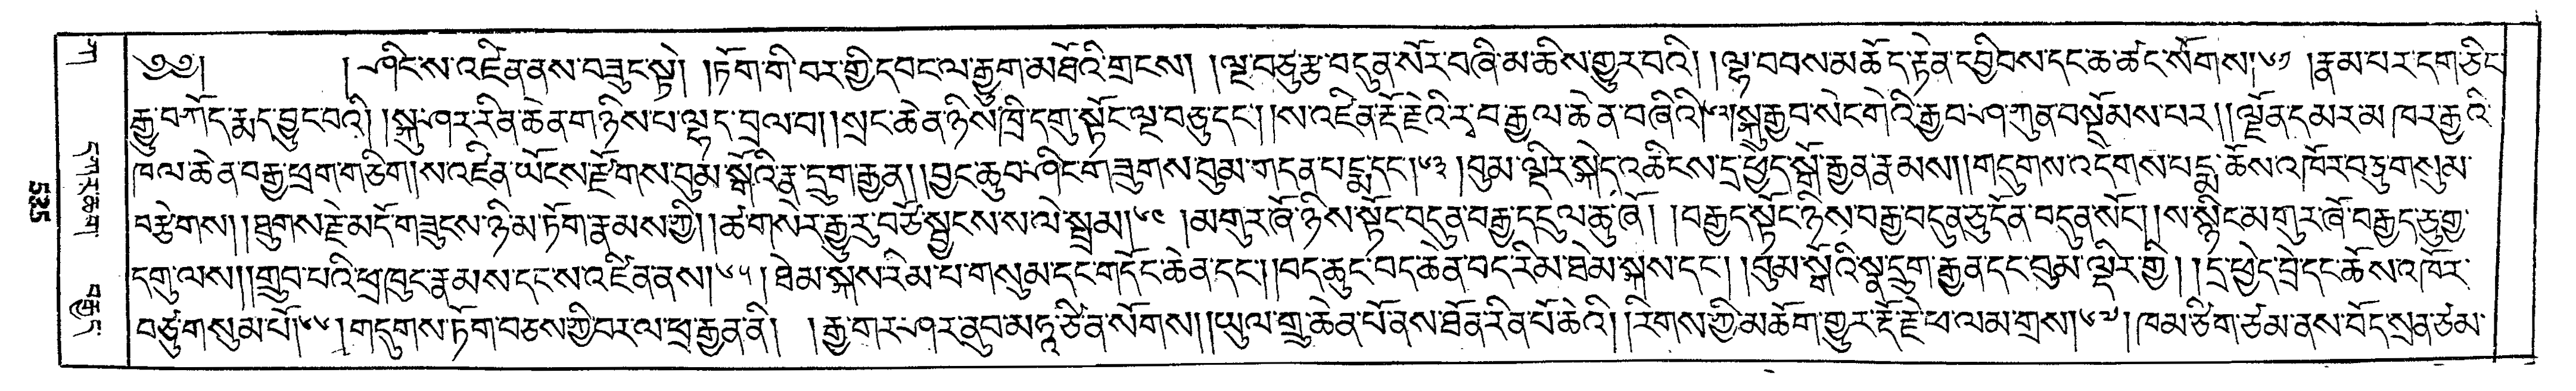༄༅། །ཤིང་ས་འཛིན་ནས་བཟུང་སྟེ། །ཏོག་གི་བར་གྱི་དཔང་ལ་རྒྱུག་མཐོའི་གྲངས། །ལྔ་བཅུ་རྩ་བདུན་སོར་བཞི་མཆིས་གྱུར་པའི། །ལྷ་བབས་མཆོད་རྟེན་དབྱིབས་དང་ཆ་ཚད་སོགས། ༦༡་།རྣམ་པར་དག་ཅིང་
རྒྱུ་བཀོད་རྨད་བྱུང་བའི། །སྐུ་ཤར་རིན་ཆེན་གཉིས་པ་ལྷད་བྲལ་བ། །སྲང་ཆེན་ཉིས་ཁྲི་དགུ་སྟོང་ལྔ་བཅུ་དང་། །ས་འཛིན་རྡོ་རྗེའི་རྭ་བ་རྒྱལ་ཆེན་བཞིའི། ༦༢་།སྐུ་རྒྱབ་སེང་གེའི་རྒྱབ་ཤ་ཀུན་བསྡོམས་པར། །ལྗོན་དམར་མཁར་རྒྱའི་
ཁལ་ཆེན་བརྒྱ་ཕྲག་གཅིག། ས་འཛིན་ཡོངས་རྫོགས་བུམ་སྒོའི་རྣ་དྲུག་རྒྱན། །བྱང་ཆུབ་ཤིང་གཟུགས་བུམ་གདན་པདམ་དང་། ༦༣་།བུམ་ལྡིར་སྐེད་འཆིངས་དྲ་ཕྱེད་སྒོ་རྒྱན་རྣམས། །གདུགས་འདེགས་པདམ་ཆོས་འཁོར་བཅུ་གསུམ་
བརྩེགས། །ཐུགས་རྗེ་མདོ་གཟུངས་ཉི་མ་ཏོག་རྣམས་ཀྱི། །ཚ་གསེར་རྒྱུ་རུ་བཙོ་སྦྱངས་ས་ལེ་སྦྲམ། ༦༤་།མགུར་ཞོ་ཉིས་སྟོང་བདུན་བརྒྱ་དངུལ་ཆུ་ཞོ། །བརྒྱད་སྟོང་ཉིས་བརྒྱ་བདུན་ཅུ་དོན་བདུན་སོང་། །ས་སྙིང་མགུར་ཞོ་བརྒྱད་ཅུ་གྱ་
དགུ་ལས། །གྲུབ་པའི་ཕྲ་ཁུང་རྣམས་དང་ས་འཛིན་ནས། ༦༤། ཐེམ་སྐས་རིམ་པ་གསུམ་དང་གདོང་ཆེན་དང་། །བད་ཆུང་བད་ཆེན་བང་རིམ་ཐེམ་སྐས་དང་། །བུམ་སྒོའི་སྣ་དྲུག་རྒྱན་དང་བུམ་ལྡིར་གྱི། །དྲ་ཕྱེད་བྲེ་དང་ཆོས་འཁོར་
བཅུ་གསུམ་པོ། ༦༦་།གདུགས་ཏོག་བཅས་ཀྱི་བར་ལ་ཕྲ་རྒྱན་ནི། །རྒྱ་གར་ཤར་ནུབ་མཧཱ་ཙི་ན་སོགས། །ཡུལ་གྲུ་ཆེན་པོ་ནས་ཐོ་ན་རིན་པོ་ཆེའི། །རིགས་ཀྱི་མཆོག་གྱུར་རྡོ་རྗེ་ཕ་ལམ་གྲས། ༦༧་།ཁམ་ཅིག་ཙམ་ནས་བོད་སྲན་ཙམ་